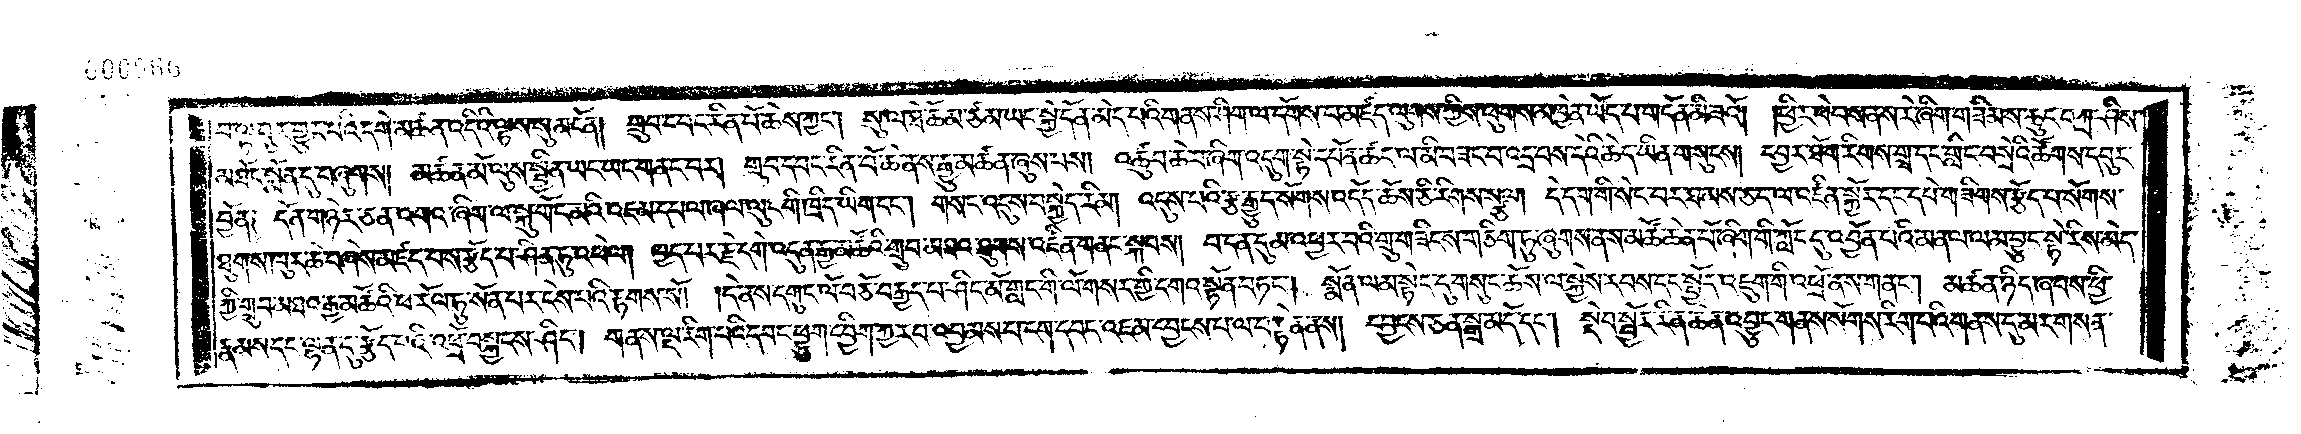བ་ལྟ་བུར་གྱུར་པའི་དགེ་མཚན་འདིའི་ལྟས་སུ་མངོན། གྲུབ་དབང་རིན་པོ་ཆེས་ཀྱང་། སུ་ལ་ཐེ་ཆོམ་ཙམ་ཡང་སྐྱེ་དོན་མེད་པའི་གནས་ཤིག་ལ་དོགས་པ་མཛད་ལུགས་ཀྱིས་ཕུགས་མཁྱེན་ཡོད་པ་གདོན་མི་ཟའོ། །ཕྱིར་ཕེབས་ནས་རེ་ཞིག་གཟིམས་ཆུང་བཀྲ་ཤིས་
མཐོང་སྨོན་དུ་བཞུགས། མཚན་མོ་ལུས་སྦྱིན་ཡང་ཡང་གནང་བར། གྲུབ་དབང་རིན་པོ་ཆེ་ནས་རྒྱུ་མཚན་ཞུས་པས། འཚུབ་ཆེ་བ་ཞིག་འདུག་སྟེ་དཔོན་ཚང་ལ་མི་བཟང་པ་འདྲ་བས་དེའི་ཆེད་ཡིན་གསུངས། དབྱར་ཐོག་རིགས་གྲྭ་དང་གླིང་བསྲོའི་ཚོགས་དབུར་
བྱོན༑ དོན་གཉེར་ཅན་འགའ་ཞིག་ལ་སྐུ་གོང་མའི་འཇམ་དཔལ་ཞལ་ལུང་གི་ཁྲིད་ཡིག་དང་། གསང་འདུས་བསྐྱེད་རིམ། འདུས་པའི་རྩ་རྒྱུད་སོགས་འདོད་ཆོས་ཅི་རིགས་སྩལ། དེ་དག་གི་སེང་བར་ཐམས་ཅད་ལ་འཛིན་སྐྱོར་དང་དཔེ་གཟིགས་རྩོད་པ་སོགས་
ཐུགས་ཁུར་ཆེ་བཞེས་མཛད་པས་རྩོད་པ་ཤིན་ཏུ་འཕེལ། ཁྱད་པར་རྗེ་དགེ་འདུན་རྒྱ་མཚོའི་གྲུབ་མཐའ་ཐུགས་འཛིན་གནང་སྐབས། བ་དན་དུ་མ་འཕྱར་བའི་གྲུ་གཟིངས་གཅིག་ཏུ་ཞུགས་ནས་མཚོ་ཆེན་པོ་ཞིག་གི་ཀློང་དུ་འབྱོན་པའི་མནལ་ལམ་བྱུང་སྟེ་རིས་མེད་
ཀྱི་གྲུབ་མཐའ་རྒྱ་མཚོའི་ཕ་རོལ་ཏུ་སོན་པར་ངེས་པའི་རྟགས་སོ། །དེ་ནས་དགུང་ལོ་བཅོ་བརྒྱད་པ་ཤིང་མོ་གླང་གི་ལོ་གསར་གྱི་དགའ་སྟོན་བཏང་། སྨོན་ལམ་སྟེང་དུ་གསུང་ཆོས་ལ་སྐྱེས་རབས་དང་སྤྱོད་འཇུག་གི་འཕྲོ་ནས་གནང་། མཚན་ཉིད་ཞབས་ཕྱི་
རྣམས་དང་ལྷན་དུ་རྩོད་པའི་འཕྲོ་བསྐྱངས་ཤིང་། གནས་ལྔ་རིག་པའི་དབང་ཕྱུག་དབྱིག་ཀྱ་རབ་འབྱམས་པ་ངག་དབང་འཇམ་དབྱངས་པ་ལ་བརྟེན་ནས། དབྱངས་ཅན་སྒྲ་མདོ་དང་། སྡེབ་སྤྱོར་རིན་ཆེན་འབྱུང་གནས་སོགས་རིཀ་པའི་གནས་དུ་མར་གསན་